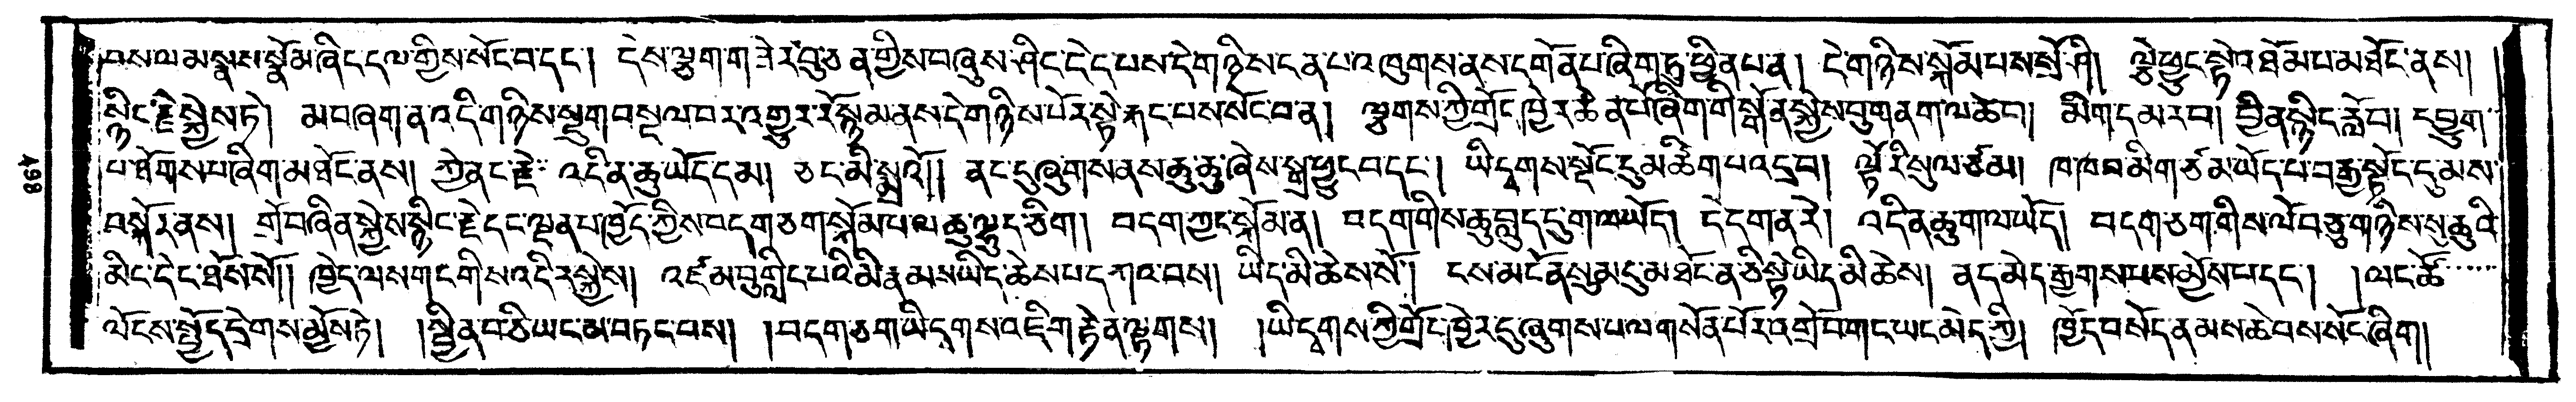བས་ལམ་སྣས་སྣོམ་ཞིང་དལ་གྱིས་སོང་བ་དང་། དེས་ལྕག་གཟེར་བུ་ཅན་གྱིས་བཞུས་ཤིང་དེད་པས་དེ་གཉིས་ངན་པ་འཁུགས་ནས་དགོན་པ་ཞིག་ཏུ་ཕྱིན་པ་ན། དེ་གཉིས་སྐོམ་པས་སྲོ་ཤི། ལྕེ་ཕྱུང་སྟེ་འཐོམ་པ་མཐོང་ནས།
སྙིང་རྗེ་སྐྱེས་ཏེ། མ་བཞག་ན་འདི་གཉིས་སྡུག་བསྔལ་བར་འགྱུར་རོ་སྙམ་ནས་དེ་གཉིས་པོར་སྟེ་རྐང་པས་སོང་བ་ན། ལྕགས་ཀྱི་གྲོང་ཁྱེར་ཆེན་པོ་ཞིག་གི་སྒོ་ན་སྐྱེས་བུ་གང་ལ་ཚེ་བ། མིག་དམར་བ། བྱིན་སྙིང་རློབ། དབྱུག་
པ་ཐོགས་པ་ཞིག་མཐོང་ནས། ཀྱེ་ནང་རྗེ་འདི་ན་ཆུ་ཡོད་དམ། ཅང་མི་སྨྲའོ།། ནང་དུ་ཞུགས་ནས་ཆུ་ཆུ་ཞེས་སྒྲ་ཕྱུང་བ་དང་། ཡི་དྭགས་སྡོང་དུམ་ཚིག་པ་འདྲ་བ། ལྟོ་རི་སུལ་ཙམ། ཁ་ཁབ་མིག་ཙམ་ཡོད་པ་བརྒྱ་སྟོང་དུ་མས་
བསྐོར་ནས། གྲོ་བཞིན་སྐྱེས་སྙིང་རྗེ་དང་ལྡན་པ་ཁྱོད་ཀྱིས་བདག་ཅག་སྐོམ་པ་ལ་ཆུ་ལྷུད་ཅིག། བདག་ཀྱང་སྐོམ་ན། བདག་གིས་ཆུ་བླུད་དུ་ག་ལ་ཡོད། དེ་དག་ན་རེ། འདི་ན་ཆུ་ག་ལ་ཡོད། བདག་ཅག་གིས་ལོ་བཅུ་གཉིས་སུ་ཆུའི་
མིང་དེང་ཐོས་སོ།། ཁྱེད་ལས་གང་གིས་འདིར་སྐྱེས། འཛམ་བུ་གླིང་པའི་མི་རྣམས་ཡིད་ཆེས་པ་དཀའ་བས། ཡིད་མི་ཆེས་སོ། ངས་མངོན་སུམ་དུ་མཐོང་ན་ཅི་སྟེ་ཡིད་མི་ཆེས། ནད་མེད་རྒྱགས་པས་མྱོས་པ་དང་། །ལང་ཚོ་
ལོངས་སྤྱོད་དྲེགས་མྱོས་ཏེ། །སྦྱིན་བ་ཅི་ཡང་མ་བཏང་བས། །བདག་ཅག་ཡི་དྭགས་འཇིག་རྟེན་ལྟགས། །ཡི་དྭགས་ཀྱི་གྲོང་ཁྱེར་དུ་ཞུགས་པ་ལ་གསོན་པོར་འགྲོ་བ་གང་ཡང་མེད་ཀྱི། ཁྱོད་བསོད་ནམས་ཆེབས་སོང་ཞིག།